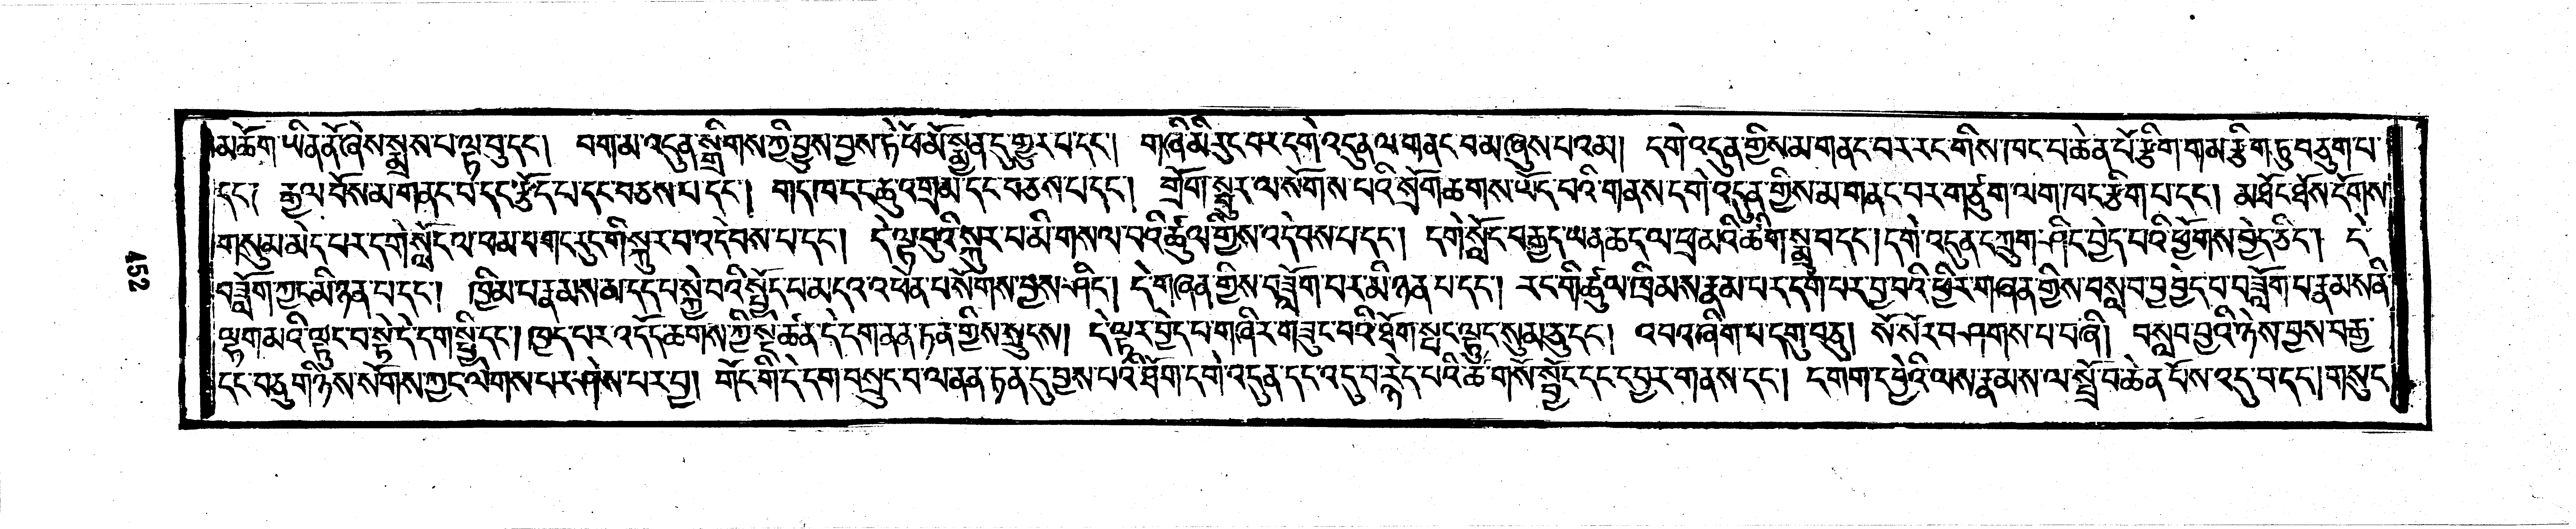མཆོག་ཡིན་ནོ་ཞེས་སྨྲས་པ་ལྟ་བུ་དང་། བག་མ་འདུན་སྒྲིགས་ཀྱི་བྱུས་བྱས་ཏེ་ཕོ་མོ་སྨྱན་དུ་གྱུར་པ་དང་། གཞི་མི་རུང་བར་དགེ་འདུན་ལ་གནང་བ་མ་ཞུས་པའམ། དགེ་འདུན་གྱིས་མ་གནང་བར་རང་གིས་ཁང་པ་ཆེན་པོ་རྩིག་གམ་རྩིག་ཏུ་བཅུག་པ་
དང༑ རྒྱལ་བོས་མ་གནང་བ་དང་རྩོད་པ་དང་བཅས་པ་དང་། གད་ཁ་དང་ཆུ་འགྲམ་དང་བཅས་པ་དང་། གྲོག་སྦུར་ལ་སོགས་པའི་སྲོག་ཆགས་ཡོད་པའི་གནས་དགེ་འདུན་གྱིས་མ་གནང་བར་གཙུག་ལག་ཁང་རྩིག་པ་དང་། མཐོང་ཐོས་དོགས་
གསུམ་མེད་པར་དགེ་སློང་ལ་ཕམ་པ་གང་རུང་གི་སྐུར་བ་འདེབས་པ་དང་། དེ་ལྟ་བུའི་སྐུར་པ་མི་གསལ་བའི་ཚུལ་གྱིས་འདེབས་པ་དང་། དགེ་སློང་བརྒྱད་ཡན་ཆད་ལ་ཕྲ་མའི་ཚིག་སྨྲ་བ་དང་། དགེ་འདུན་དཀྲུག་ཤིང་བྱེད་པའི་ཕྱོགས་བྱེད་ཅིང་། དེ་
བཟློག་ཀྱང་མི་ཉན་པ་དང་། ཁྱིམ་པ་རྣམས་མ་དད་པ་སྐྱེ་བའི་སྦྱོད་པ་མདའ་འཕེན་པ་སོགས་བྱས་ཤིང་། དེ་གཞན་གྱིས་བཟློག་པར་མི་ཉན་པ་དང་། རང་གི་ཚུལ་ཁྲིམས་རྣམ་པར་དག་པར་བྱ་བའི་ཕྱིར་གཞན་གྱིས་བསླབ་བྱ་བྱེད་པ་བཟློག་པ་རྣམས་ནི་
ལྷག་མའི་ལྟུང་བ་སྟེ་དེ་དག་སྤྱི་དང་། ཁྱད་པར་འདོད་ཆགས་ཀྱི་སྡེ་ཚན་དེ་དག་ནན་ཏན་གྱིས་སྲུངས། དེ་ལྟར་བྱེད་པ་གཞིར་གཟུང་བའི་ཐོག་སྤང་ལྷུང་སུམ་ཅུ་དང་། འབའ་ཞིག་པ་དགུ་བཅུ། སོ་སོར་བཤགས་པ་བཞི། བསླབ་བྱའི་ཉེས་བྱས་བརྒྱ་
དང་བཅུ་གཉིས་སོགས་ཀྱང་ལེགས་པར་ཤེས་པར་བྱ། གོང་གི་དེ་དག་བསྲུང་བ་ལ་ནན་ཏན་དུ་བྱས་པའི་ཐོག་དགེ་འདུན་དང་འདུ་བ་རྙེད་པའི་ཚེ་གསོ་སྦྱོང་དང་དབྱར་གནས་དང་། དགག་དབྱེའི་ལས་རྣམས་ལ་སྤྲོ་བ་ཆེན་པོས་འདུ་བ་དང་། གསུང་